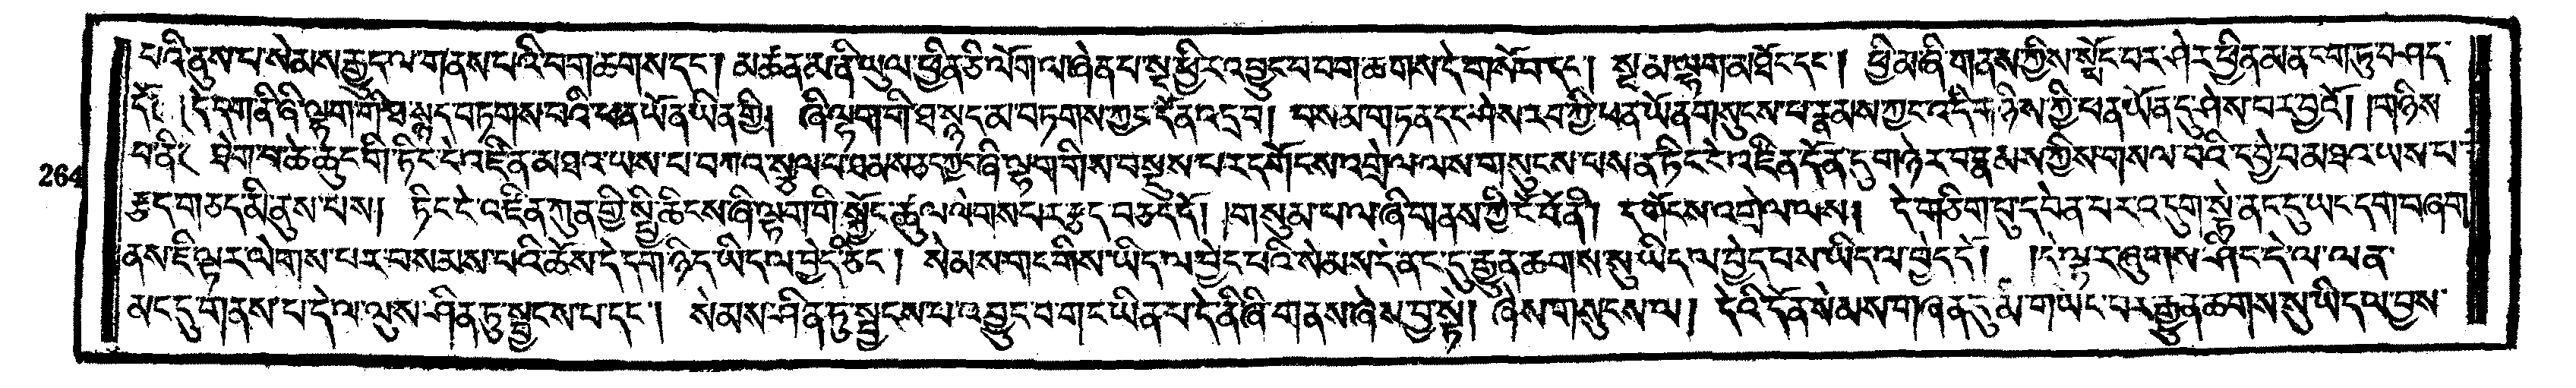པའི་ནུས་པ་སེམས་རྒྱུད་ལ་གནས་པའི་བག་ཆགས་དང་། མཚན་མ་ནི་ཡུལ་ཕྱིན་ཅི་ལོག་ལ་ཞེན་པ་སྔ་ཕྱིར་འབྱུང་བ་བག་ཆགས་དེ་གསོ་བ་དང་། སྔ་མ་ལྷག་མཐོང་དང་། ཕྱི་མ་ཞི་གནས་ཀྱིས་སྤོང་བར་ཤེར་ཕྱིན་མན་ངག་ཏུ་བཤད་
དོ༑ ༑དེ་དག་ནི་ཞི་ལྷག་གི་ཐ་སྙད་བཏགས་པའི་ཕན་ཡོན་ཡིན་གྱི། ཞི་ལྷག་གི་ཐ་སྙད་མ་བཏགས་ཀྱང་དོན་འདྲ་བ། བསམ་གཏན་དང་ཤེས་རབ་ཀྱི་ཕན་ཡོན་གསུངས་པ་རྣམས་ཀྱང་འདི་གཉིས་ཀྱི་ཕན་ཡོན་དུ་ཤེས་པར་བྱའོ། །གཉིས་
བ་ནི༑ ཐེག་བ་ཆེ་ཆུང་གི་ཏིང་ངེ་འཛིན་མཐའ་ཡས་བ་བཀའ་སྩལ་པ་ཐམས་ཅད་ཀྱང་ཞི་ལྷག་གིས་བསྡུས་པར་དགོངས་འགྲེལ་ལས་གསུངས་པས་ན་ཏིང་ངེ་འཛིན་དོན་དུ་གཉེར་བ་རྣམས་ཀྱིས་གསལ་བའི་དབྱེ་བ་མཐའ་ཡས་པ་
རྩད་གཅད་མི་ནུས་པས། ཏིང་ངེ་འཛིན་ཀུན་གྱི་སྤྱི་ཆིངས་ཞིག་ལྷག་གི་སྐྱོང་ཚུལ་ལེགས་པར་རྩད་བཅད་དོ། །གསུམ་པ་ལ་ཞི་གནས་ཀྱི་ངོ་བོ་ནི། དགོངས་འགྲེལ་ལས། དེ་གཅིག་པུ་དབེན་པར་འདུག་སྟེ་ནང་དུ་ཡང་དག་བཞག་
ནས་ཇི་ལྟར་ལེགས་པར་བསམས་པའི་ཆོས་དེ་དག་ཉིད་ཡིད་ལ་བྱེད་ཅིང་། སེམས་གང་གིས་ཡིད་ལ་བྱེད་པའི་སེམས་དེ་ནང་དུ་རྒྱུན་ཆགས་སུ་ཡིད་ལ་བྱེད་བས་ཡིད་ལ་བྱེད་དོ། །དེ་ལྟར་ཞུགས་ཤིང་དེ་ལ་ལན་
མང་དུ་གནས་པ་དེ་ལ་ལུས་ཤིན་ཏུ་སྦྱངས་པ་དང་། སེམས་ཤིན་ཏུ་སྦྱངས་པ་འབྱུང་བ་གང་ཡིན་པ་དེ་ནི་ཞི་གནས་ཞེས་བྱ་སྟེ། ཞེས་གསུང་ལ། དེའི་དོན་སེམས་གཞན་དུ་མི་གཡང་བར་རྒྱུན་ཆགས་སུ་ཡིད་ལ་བྱས་